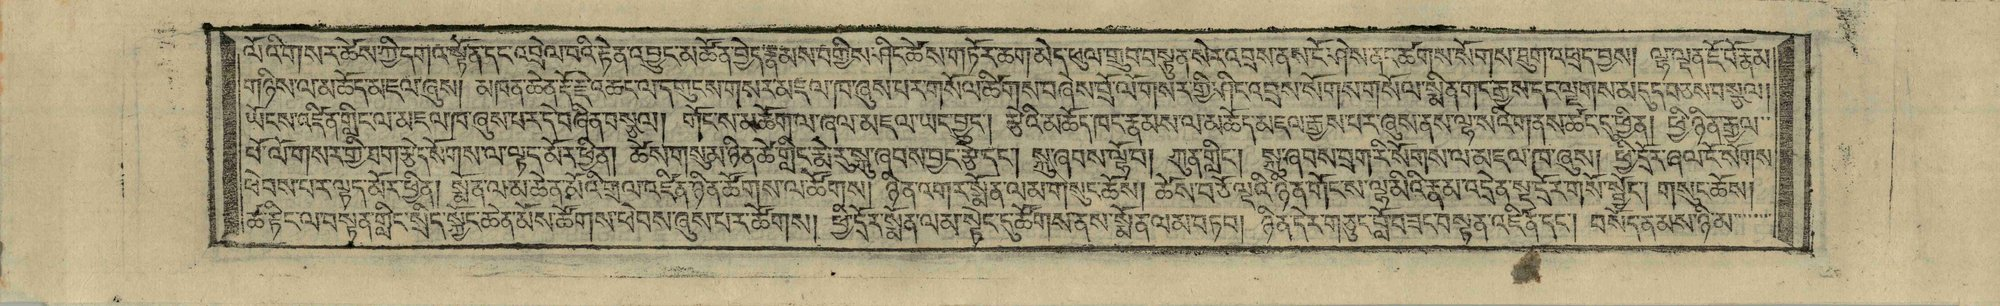ལོའི་གསར་ཚེས་ཀྱི་དགའ་སྟོན་དང་འབྲེལ་བའི་རྟེན་འབྱུང་མཚོན་བྱེད་རྣམས་བགྱིས་ཤིང་ཚེས་གཏོར་ཆག་མེད་ཕུལ་གྲུབ་བསྟུན་སེར་འབྲས་ནས་ངོ་ཤེས་ནང་ཚགས་སོགས་ཐུག་འཕྲད་བྱས། ལྷ་ལྡན་ཇོ་བོ་རྣམ་
གཉིས་ལ་མཆོད་མཇལ་ཞུས། མཁན་ཆེན་རྡོ་རྗེ་འཆང་ལ་དགུངས་གསར་མཇལ་ཁ་ཞུས་པར་གསོལ་ཚིགས་བཞེས་བྲོ་ལོ་གསར་གྱི་ཤིང་འབྲས་སོགས་གསོལ་སྨིན་གང་རྒྱས་དང་ལྗགས་མདུད་བཅས་བསྩལ།
ཡོངས་འཛིན་གླིང་ལ་མཇལ་ཁ་ཞུས་པར་དེ་བཞིན་བསྩལ། གོང་ས་མཆོག་ལ་ཞལ་མཇལ་ཡང་བྱུང་། རྩེའི་མཆོད་ཁང་རྣམས་ལ་མཆོད་མཇལ་རྒྱས་བར་ཞུས་ནས་ལྷ་སའི་གནས་ཚང་དུ་ཕྱིན། ཕྱི་ཉིན་རྒྱལ་
པོ་ལོ་གསར་གྱི་ཐག་རྩེད་སོགས་ལ་ལྟད་མོར་ཕྱིན། ཚེས་གསུམ་ཉིན་ཚེ་གླིང་རྨེ་རུ་སྐུ་ཞབས་བྱང་རྩེ་དང་། སྐུ་ཞབས་ལྷོ་བ། ཀུན་གླིང་། སྐུ་ཞབས་བྲག་རི་སོགས་ལ་མཇལ་ཁ་ཞུས། ཕྱི་དྲོར་ཞལ་ངོ་སོགས་
ཕེབས་པར་ལྟད་མོར་ཕྱིན། སྨོན་ལམ་ཆེན་མོའི་གྲལ་འཛིན་ཉིན་ཚོགས་ལ་ཚོགས། ཉིན་འགར་སྨོན་ལམ་གསུང་ཆོས། ཚེས་བཅོ་ལྔའི་ཉིན་གོང་ས་ལྷ་མིའི་རྣམ་འདྲེན་སྔ་དྲོར་གསོ་སྦྱོང་། གསུང་ཆོས།
ཚ་རྟིང་ལ་བསྟན་གླིང་སྲིད་སྐྱོང་ཆེན་མོས་ཚོགས་ཕེབས་ཞུས་པར་ཚོགས། ཕྱི་དྲོར་སྨོན་ལམ་སྟེང་དུ་ཚོགས་ནས་སྨོན་ལམ་བཏབ། ཉིན་དེར་གཅུང་བློ་བཟང་བསྟན་འཛིན་དང་། བསོད་ནམས་ཉི་མ་